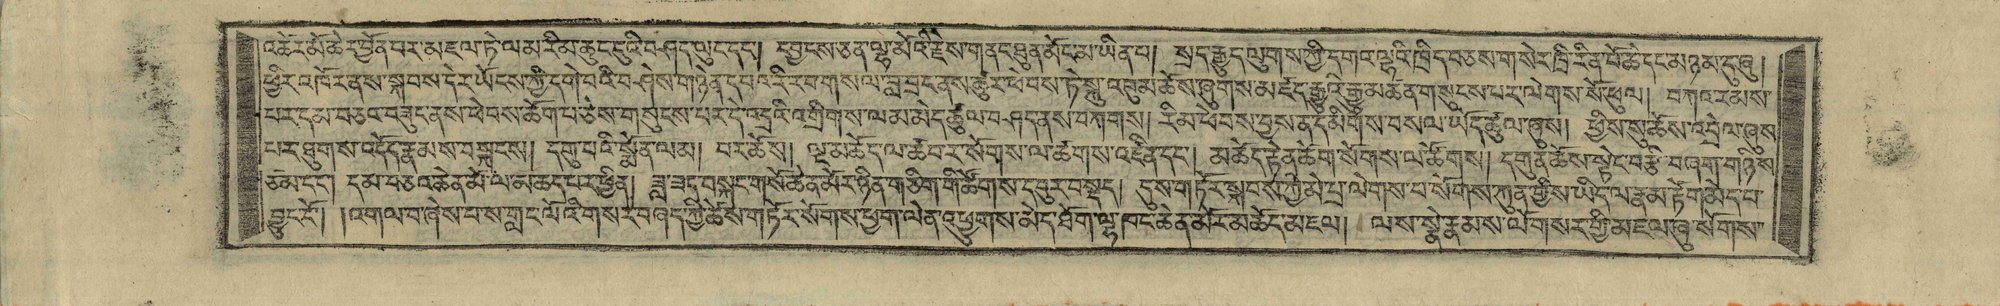འཚེར་མོ་ཆེར་བྱོན་པར་མཇལ་ཏེ་ལམ་རིམ་ཆུང་ངུའི་བཤད་ལུང་དང་། དབྱངས་ཅན་ལྷ་མོའི་རྗེས་གནང་ཐུན་མོང་མ་ཡིན་པ། སྲད་རྒྱུད་ལུགས་ཀྱི་དགའ་ལྷའི་ཁྲིད་བཅས་གསེར་ཁྲི་རིན་པོ་ཆེ་དང་མཉམ་དུ་ཞུ།
ཕྱིར་འཁོར་ནས་སྐབས་དེར་ཡོངས་ཀྱི་དགེ་བའི་བཤེས་གཉེན་དཔའ་རི་རབ་གསལ་བླ་བྲང་ནས་ཚུར་ཕེབས་ཏེ་སྐུ་འབུམ་ཆོས་ཞུགས་མཛད་རྒྱུའི་རྒྱུ་མཚན་གསུངས་པར་ལེགས་སོ་ཕུལ། བཀའ་རམས་
པར་དམ་བཅའ་བཟུང་ནས་ཕེབས་ཆོག་པ་ཅེས་གསུངས་པར་དེ་འདྲའི་འགྲིགས་ལམ་མེད་ཚུལ་བཤད་ནས་བཀགས། རིམ་ཕེབས་བྱས་ན་དམིགས་བསལ་ཡོད་ཚུལ་ཞུས། ཕྱིས་སུ་ཆོས་འབྲེལ་ཞུས་
པར་ཐུགས་འདོད་རྣམས་བསྐངས། དགུ་པའི་སྨོན་ལམ། བར་ཆོས། ལྔ་མཆོད་ལ་ཚབ་ར་སོགས་ལ་ཚགས་འཛིན་དང་། མཆོད་རྟེན་ཆོག་སོགས་ལ་ཚོགས། དགུན་ཆོས་སྟེང་བརྩི་བཞག་གཉིས་
ཙམ་དང་། དམ་བཅའ་ཆེན་མོ་ལ་མ་ཆད་པར་ཕྱིན། ཟླ་ཟད་བསྐང་གསོ་ཆེན་མོར་ཉིན་གཅིག་གི་ཚོགས་དབུར་བསྡད། དུས་གཏོར་སྐབས་ཀྱི་མེ་པྲ་ལེགས་པ་སོགས་ཀུན་གྱིས་ཡིད་ལ་རྣམ་རྟོག་མེད་པ་
བྱུང་ངོ། །འགལ་བ་ཞེས་པ་ས་གླང་ལོའི་གསར་བཞད་ཀྱི་ཚེས་གཏོར་སོགས་ཕྱག་ལེན་འཕྱུགས་མེད་ཐོག་ལྷ་ཁང་ཆེན་མོར་མཆོད་མཇལ། ལས་སྣེ་རྣམས་ལོ་གསར་གྱི་མཇལ་ཞུ་སོགས་